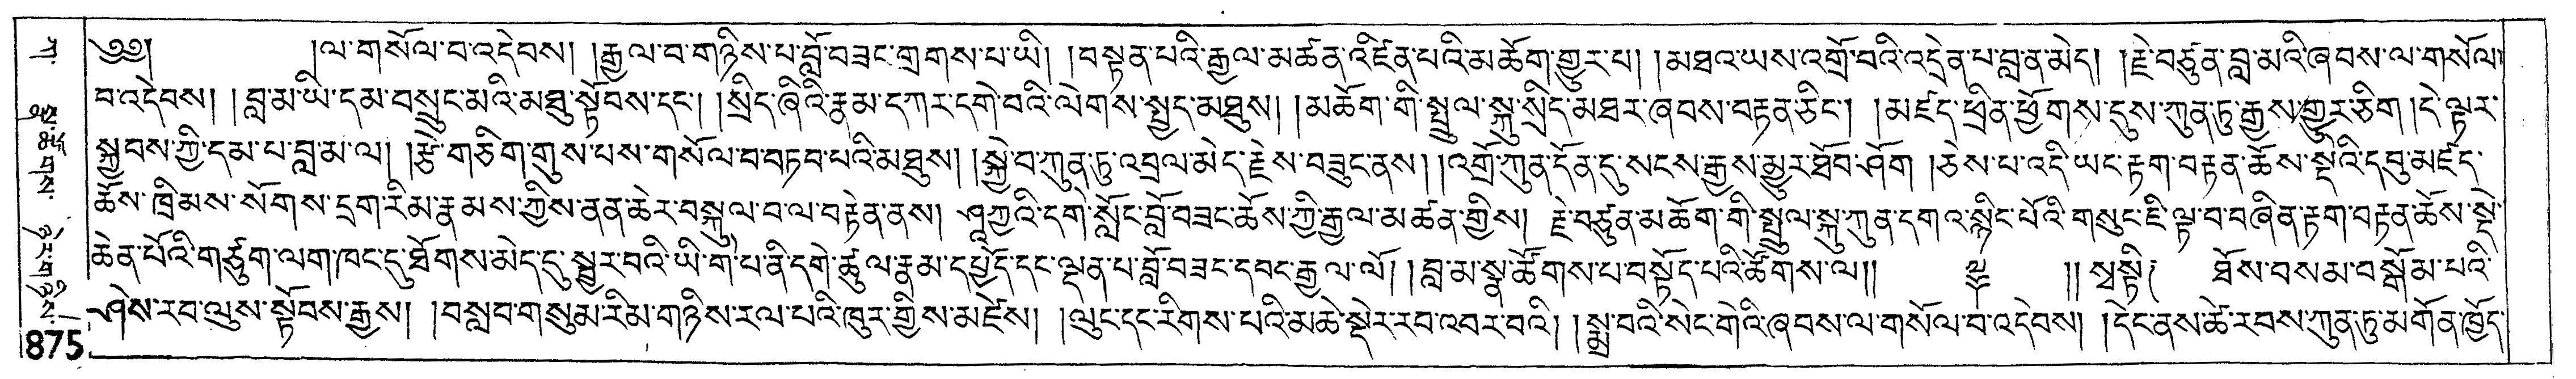༄༅། །ལ་གསོལ་བ་འདེབས། །རྒྱལ་བ་གཉིས་པ་བློ་བཟང་གྲགས་པ་ཡི། །བསྟན་པའི་རྒྱལ་མཚན་འཛིན་པའི་མཆོག་གྱུར་པ། །མཐའ་ཡས་འགྲོ་བའི་འདྲེན་པ་བླ་ན་མེད། །རྗེ་བཙུན་བླ་མའི་ཞབས་ལ་གསོལ་
བ་འདེབས། །བླ་མ་ཡི་དམ་བསྲུང་མའི་མཐུ་སྟོབས་དང་། །སྲིད་ཞིའི་རྣམ་དཀར་དགེ་བའི་ལེགས་སྤྱད་མཐུས། །མཆོག་གི་སྤྲུལ་སྐུ་སྲིད་མཐར་ཞབས་བརྟན་ཅིང་། །མཛད་ཕྲིན་ཕྱོགས་དུས་ཀུན་ཏུ་རྒྱས་གྱུར་ཅིག །དེ་ལྟར་
སྐྱབས་ཀྱི་དམ་པ་བླ་མ་ལ། །རྩེ་གཅིག་གུས་པས་གསོལ་བ་བཏབ་པའི་མཐུས། །སྐྱེ་བ་ཀུན་ཏུ་འབྲལ་མེད་རྗེས་བཟུང་ནས། །འགྲོ་ཀུན་དོན་དུ་སངས་རྒྱས་མྱུར་ཐོབ་ཤོག །ཅེས་པ་འདི་ཡང་རྟག་བརྟན་ཆོས་སྡེའི་དབུ་མཛད་
ཆོས་ཁྲིམས་སོགས་དྲག་རིམ་རྣམས་ཀྱིས་ནན་ཆེར་བསྐུལ་བ་ལ་བརྟེན་ནས། ཤཱཀྱའི་དགེ་སློང་བློ་བཟང་ཆོས་ཀྱི་རྒྱལ་མཚན་གྱིས། རྗེ་བཙུན་མཆོག་གི་སྤྲུལ་སྐུ་ཀུན་དགའ་སྙིང་པོའི་གསུང་ཇི་ལྟ་བ་བཞིན་རྟག་བརྟན་ཆོས་སྡེ་
ཆེན་པོའི་གཙུག་ལག་ཁང་དུ་ཐོགས་མེད་དུ་སྦྱར་བའི་ཡི་གེ་པ་ནི་དགེ་ཚུལ་རྣམ་དཔྱོད་དང་ལྡན་པ་བློ་བཟང་དབང་རྒྱལ་ལོ། །བླ་མ་སྣ་ཚོགས་པ་བསྟོད་པའི་ཚོགས་ལ།། ༈ །།སྭསྟི༑ ཐོས་བསམ་བསྒོམ་པའི་
ཤེས་རབ་ལུས་སྟོབས་རྒྱས། །བསླབ་གསུམ་རིམ་གཉིས་རལ་པའི་ཁུར་གྱིས་མཛེས། །ལུང་དང་རིགས་པའི་མཆེ་སྡེར་རབ་འབར་བའི། །སྨྲ་བའི་སེང་གེའི་ཞབས་ལ་གསོལ་བ་འདེབས། །དེང་ནས་ཚེ་རབས་ཀུན་ཏུ་མགོན་ཁྱོད་